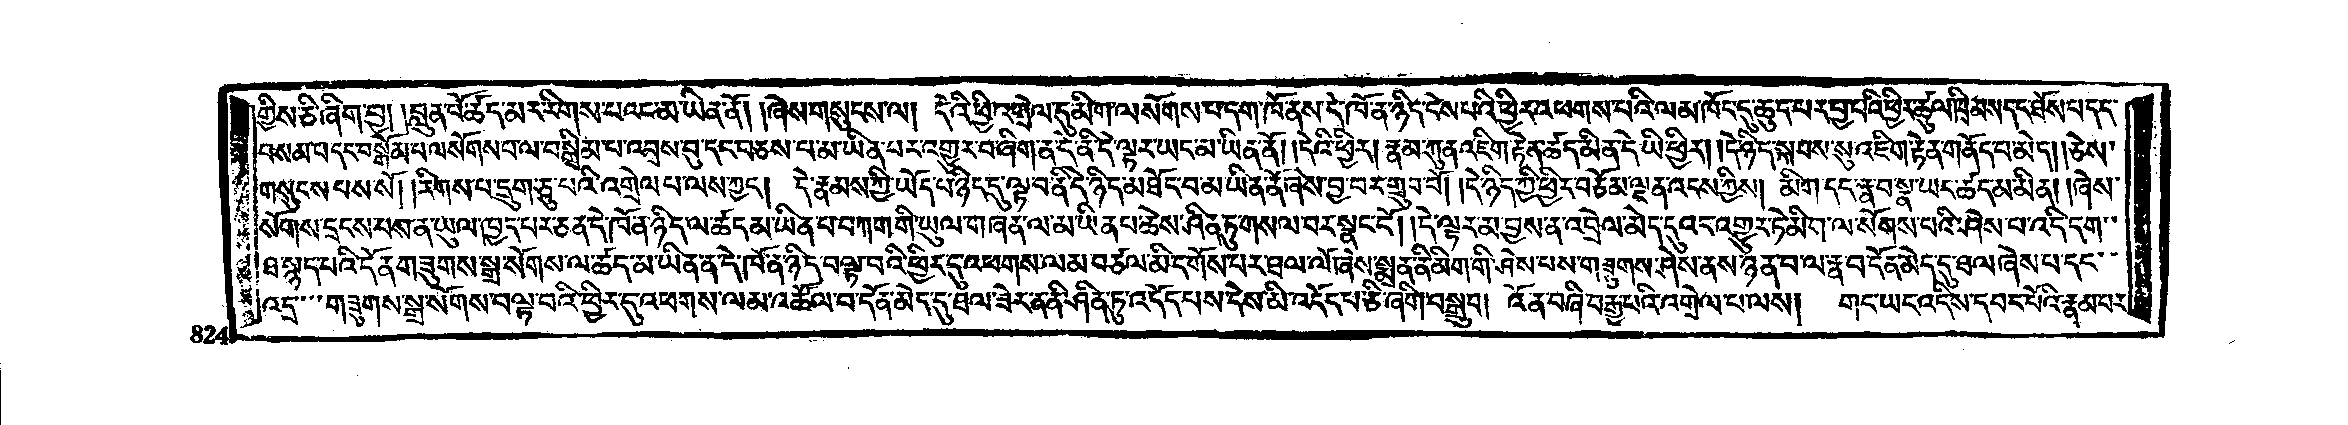གྱིས་ཅི་ཞིག་བྱ། །བླུན་པོ་ཚད་མར་རིགས་པའང་མ་ཡིན་ནོ། །ཞེས་གསུངས་ལ། དེའི་ཕྱི་འགྲེལ་དུ་མིག་ལ་སོགས་པ་དག་ཁོ་ནས་དེ་ཁོ་ན་ཉིད་ངེས་པའི་ཕྱིར་འཕགས་པའི་ལམ་ཁོང་དུ་ཆུད་པར་བྱ་བའི་ཕྱིར་ཚུལ་ཁྲིམས་དང་ཐོས་པ་དང་
བསམ་པ་དང་བསྒོམ་པ་ལ་སོགས་པ་ལ་བསྒྲིམ་པ་འབྲས་བུ་དང་བཅས་པ་མ་ཡིན་པར་འགྱུར་བ་ཞིག་ན་དེ་ནི་དེ་ལྟར་ཡང་མ་ཡིན་ནོ། །དེའི་ཕྱིར། རྣམ་ཀུན་འཇིག་རྟེན་ཚད་མིན་དེ་ཡི་ཕྱིར། །དེ་ཉིད་སྐབས་སུ་འཇིག་རྟེན་གནོད་པ་མེད། །ཅེས་
གསུངས་པས་སོ། །རིགས་པ་དྲུག་ཅུ་པའི་འགྲེལ་པ་ལས་ཀྱང་། དེ་རྣམས་ཀྱི་ཡོད་པ་ཉིད་དུ་ལྟ་བ་ནི་དེ་ཉིད་མཐོང་བ་མ་ཡིན་ནོ་ཞེས་བྱ་བར་གྲུབ་བོ། །དེ་ཉིད་ཀྱི་ཕྱིར་བཅོམ་ལྡན་འདས་ཀྱིས། མིག་དང་རྣ་བ་སྣ་ཡང་ཚད་མ་མིན། །ཞེས་
སོགས་དྲངས་པས་ན་ཡུལ་ཁྱད་པར་ཅན་དེ་ཁོ་ན་ཉིད་ལ་ཚད་མ་ཡིན་པ་བཀག་གི་ཡུལ་གཞན་ལ་མ་ཡིན་པ་ཆེས་ཤིན་ཏུ་གསལ་བར་སྣང་ངོ། །དེ་ལྟར་མ་བྱས་ན་འབྲེལ་མེད་དུའང་འགྱུར་ཏེ་མིག་ལ་སོགས་པའི་ཤེས་པ་འདི་དག་
ཐ་སྙད་པའི་དོན་གཟུགས་སྒྲ་སོགས་ལ་ཚད་མ་ཡིན་ན་དེ་ཁོ་ན་ཉིད་བལྟ་བའི་ཕྱིར་དུ་འཕགས་ལམ་བཙལ་མི་དགོས་པར་ཐལ་ལོ་ཞེས་སྨྲ་ན་ནི་མིག་གི་ཤེས་པས་གཟུགས་ཤེས་ན་སྒྲ་ཉན་པ་ལ་རྣ་བ་དོན་མེད་དུ་ཐལ་ཞེས་པ་དང་
འདྲ་ལ་གཟུགས་སྒྲ་སོགས་བལྟ་བའི་ཕྱིར་དུ་འཕགས་ལམ་འཚོལ་བ་དོན་མེད་དུ་ཐལ་ཟེར་ན་ནི་ཤིན་ཏུ་འདོད་པས་དེས་མི་འདོད་པ་ཅི་ཞིག་བསྒྲུབ། འོ་ན་བཞི་བརྒྱ་བའི་འགྲེལ་པ་ལས། གང་ཡང་འདིས་དབང་པོའི་རྣམ་པར་